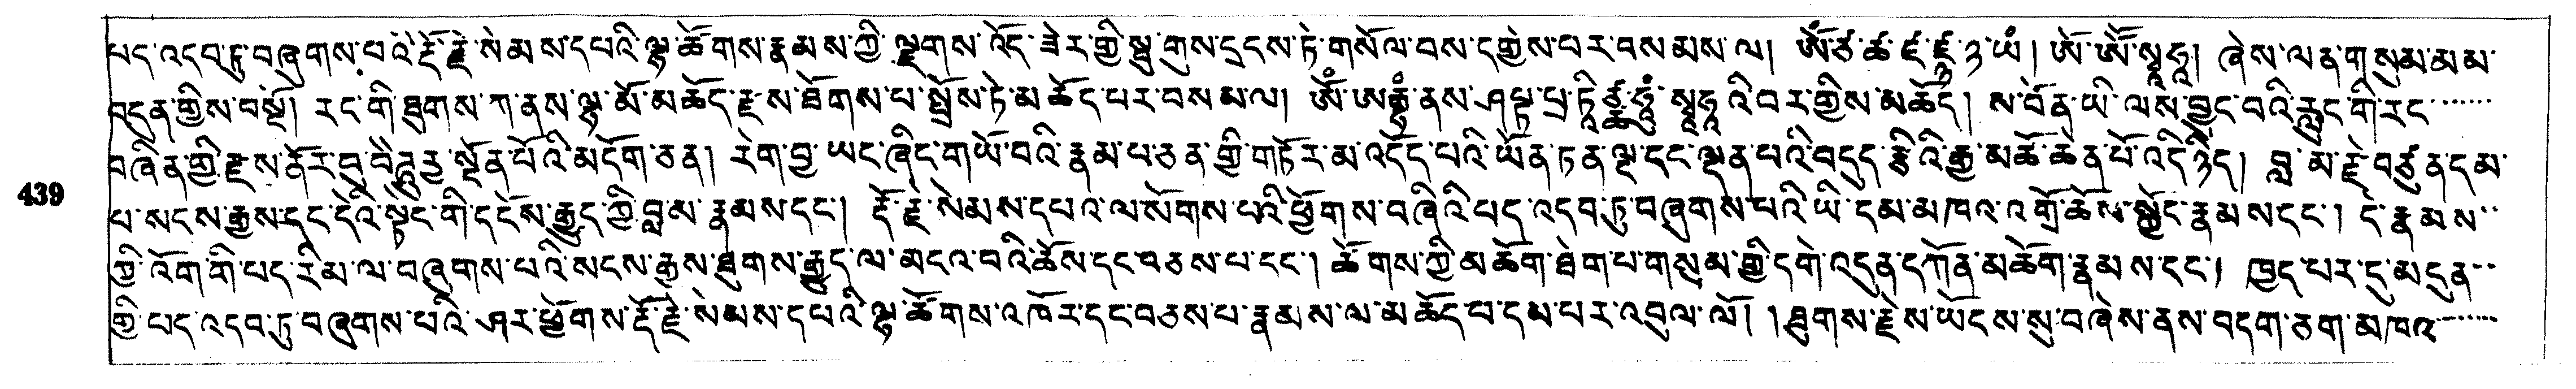པད་འདབ་ཏུ་བཞུགས་པའི་རྡོ་རྗེ་སེམས་དཔའི་ལྷ་ཚོགས་རྣམས་ཀྱི་ལྗགས་འོད་ཟེར་གྱི་སྦུ་གུས་དྲངས་ཏེ་གསོལ་བས་དགྱེས་པར་བསམས་ལ། ཨོཾ་ཙ་ཚ་ཛ་ཛྙ་ཉ་ཡཾ། ཨོ་ཨཽ་སྭཱ་ཧཱ། ཞེས་ལན་གསུམ་མམ་
བདུན་གྱིས་བསྔོ། རང་གི་ཐུགས་ཀ་ནས་ལྷ་མོ་མཆོད་རྫས་ཐོགས་པ་སྤྲོས་ཏེ་མཆོད་པར་བསམ་ལ། ཨོཾ་ཨརྒྷཾ་ནས་ཤཔྟ་པྲ་ཏཱི་ཙྪ་ཧཱུཾ་སྭཱ་ཧཱའི་བར་གྱིས་མཆོད། ས་བོན་ཡི་ལས་བྱུང་བའི་རླུང་གི་རང་
བཞིན་གྱི་རྫས་ནོར་བུ་བཻཌཱུརྱ་སྔོན་པོའི་མདོག་ཅན། རེག་བྱ་ཡང་ཞིང་གཡོ་བའི་རྣམ་པ་ཅན་གྱི་གཏོར་མ་འདོད་པའི་ཡོན་ཏན་ལྔ་དང་ལྡན་པའི་བདུད་རྩིའི་རྒྱ་མཚོ་ཆེན་པོ་འདི་ཉིད། བླ་མ་རྗེ་བཙུན་དམ་
པ་སངས་རྒྱས་དང་དེའི་སྟེང་གི་དངོས་རྒྱུད་ཀྱི་བླ་མ་རྣམས་དང་། རྡོ་རྗེ་སེམས་དཔའ་ལ་སོགས་པའི་ཕྱོགས་བཞིའི་པད་འདབ་ཏུ་བཞུགས་པའི་ཡི་དམ་མཁའ་འགྲོ་ཆོས་སྐྱོང་རྣམས་དང་། དེ་རྣམས་
ཀྱི་འོག་གི་པད་རིམ་ལ་བཞུགས་པའི་སངས་རྒྱས་ཐུགས་རྒྱུད་ལ་མངའ་བའི་ཆོས་དང་བཅས་པ་དང་། ཚོགས་ཀྱི་མཆོག་ཐེག་པ་གསུམ་གྱི་དགེ་འདུན་དཀོན་མཆོག་རྣམས་དང་། ཁྱད་པར་དུ་མདུན་
གྱི་པད་འདབ་ཏུ་བཞུགས་པའི་ཤར་ཕྱོགས་རྡོ་རྗེ་སེམས་དཔའི་ལྷ་ཚོགས་འཁོར་དང་བཅས་པ་རྣམས་ལ་མཆོད་པ་དམ་པར་འབུལ་ལོ། །ཐུགས་རྗེས་ཡོངས་སུ་བཞེས་ནས་བདག་ཅག་མཁའ་